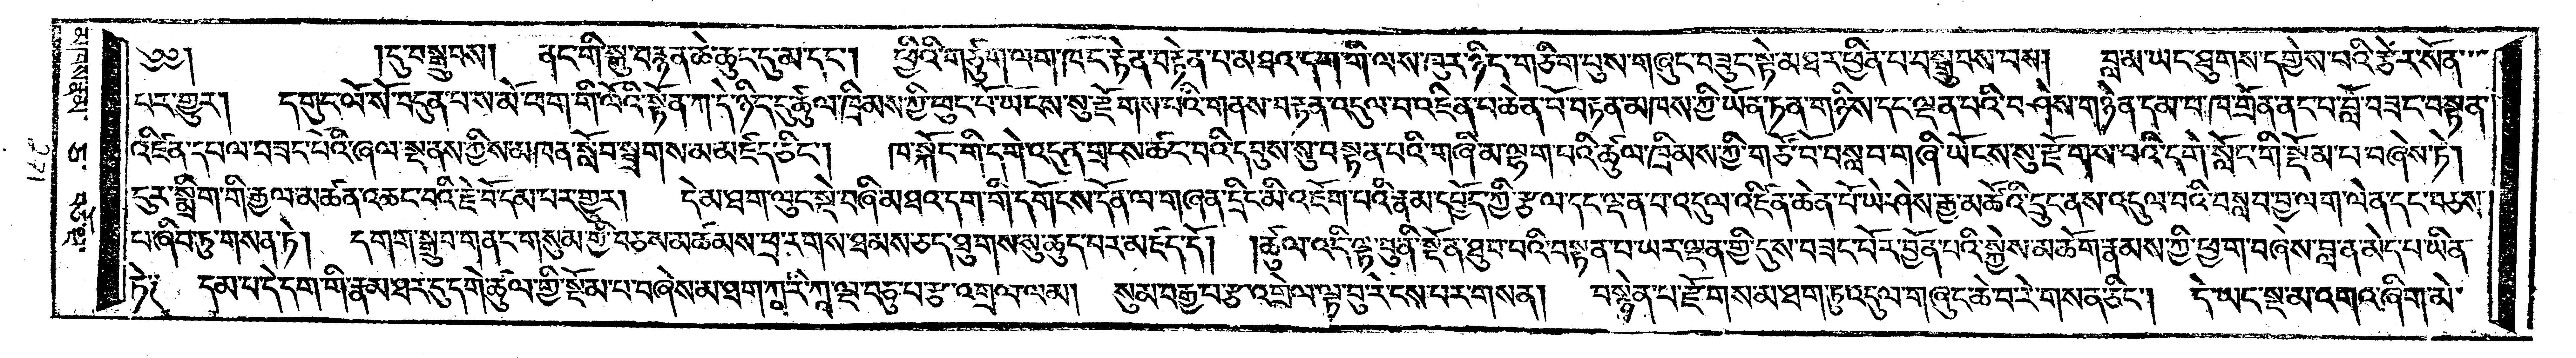༄༅། །དུ་བསྒྲུབས། ནང་གི་སྐུ་བརྙན་ཆེ་ཆུང་དུ་མ་དང་། ཕྱིའི་གཙུག་ལག་ཁང་རྟེན་བརྟེན་པ་མཐའ་དག་གི་ལས་ཁུར་ཉིད་གཅིག་པུས་གཞུང་བཟུང་སྟེ་མཐར་ཕྱིན་པ་བསྒྲུབས་པས། བླ་མ་ཡང་ཐུགས་དགྱེས་པའི་རྩེར་སོན་
པར་གྱུར། དགུང་ལོ་སོ་བདུན་པས་མོ་ཕག་གི་ལོའི་སྟོན་ཀ་དེ་ཉིད་དུ་ཚུལ་ཁྲིམས་ཀྱི་ཕུང་པོ་ཡོངས་སུ་རྫོགས་པའི་གནས་བརྟན་འདུལ་པ་འཛིན་པ་ཆེན་པོ་བརྟན་མཁས་ཀྱི་ཡོན་ཏན་གཉིས་དང་ལྡན་པའི་བཤེས་གཉེན་དམ་པ་ཁ་གྲོན་ནང་བ་བློ་བཟང་བསྟན་
འཛིན་དཔལ་བཟང་པོའི་ཞལ་སྔ་ནས་ཀྱིས་མཁན་སློབ་སྦྲགས་མ་མཛད་ཅིང་། ཁ་སྐོང་གི་དགེ་འདུན་གྲངས་ཚང་བའི་དབུས་སུ་བསྟན་པའི་གཞི་མ་ལྷག་པའི་ཚུལ་ཁྲིམས་ཀྱི་གཙོ་བོ་བསླབ་གཞི་ཡོངས་སུ་རྫོགས་པའི་དགེ་སློང་གི་སྡོམ་པ་བཞེས་ཏི།
ངུར་སྨྲིག་གི་རྒྱལ་མཚན་འཆང་བའི་རྗེ་བོ་དམ་པར་གྱུར། དེ་མ་ཐག་ལུང་སྡེ་བཞི་མཐའ་དག་གི་དགོངས་དོན་ལ་གཞན་དྲིང་མི་འཇོག་པའི་རྣམ་དཔྱོད་ཀྱི་རྩལ་དང་ལྡན་པ་འདུལ་འཛིན་ཆེན་པོ་ཡེ་ཤེས་རྒྱ་མཚོའི་དྲུང་ནས་འདུལ་བའི་བསླབ་བྱ་ལག་ལེན་དང་བཅས་
པ་ཞིབ་ཏུ་གསན་ཏེ། དགག་སྒྲུབ་གནང་གསུམ་གྱི་བཅས་མཚམས་ཕྲ་རགས་ཐམས་ཅད་ཐུགས་སུ་ཆུད་པར་མཛད་དོ། །ཚུལ་འདི་ལྟ་བུ་ནི་སྔོན་ཐུབ་པའི་བསྟན་པ་ཡང་ལྡན་གྱི་དུས་བཟང་པོར་བྱོན་པའི་སྐྱེས་མཆོག་རྣམས་ཀྱི་ཕྱག་བཞེས་བླ་ན་མེད་པ་ཡིན་
ཏེ༑ དམ་པ་དེ་དག་གི་རྣམ་ཐར་དུ་དགེ་ཚུལ་གྱི་སྡོམ་པ་བཞེས་མ་ཐག་ཀཱ་རི་ཀཱ་ལྔ་བཅུ་པ་རྩ་འབྲེལ་ལམ། སུམ་བརྒྱ་བ་རྩ་ལྰྒྲེལ་ལྟ་བུ་དེ་ངེས་པར་གསན། བསྙེན་པ་རྫོགས་མ་ཐག་ཏུ་འདུལ་གཞུང་ཆེ་བ་རེ་གསན་ཅིང་། དེ་ཡང་སྔ་མ་འགའ་ཞིག་མེད་